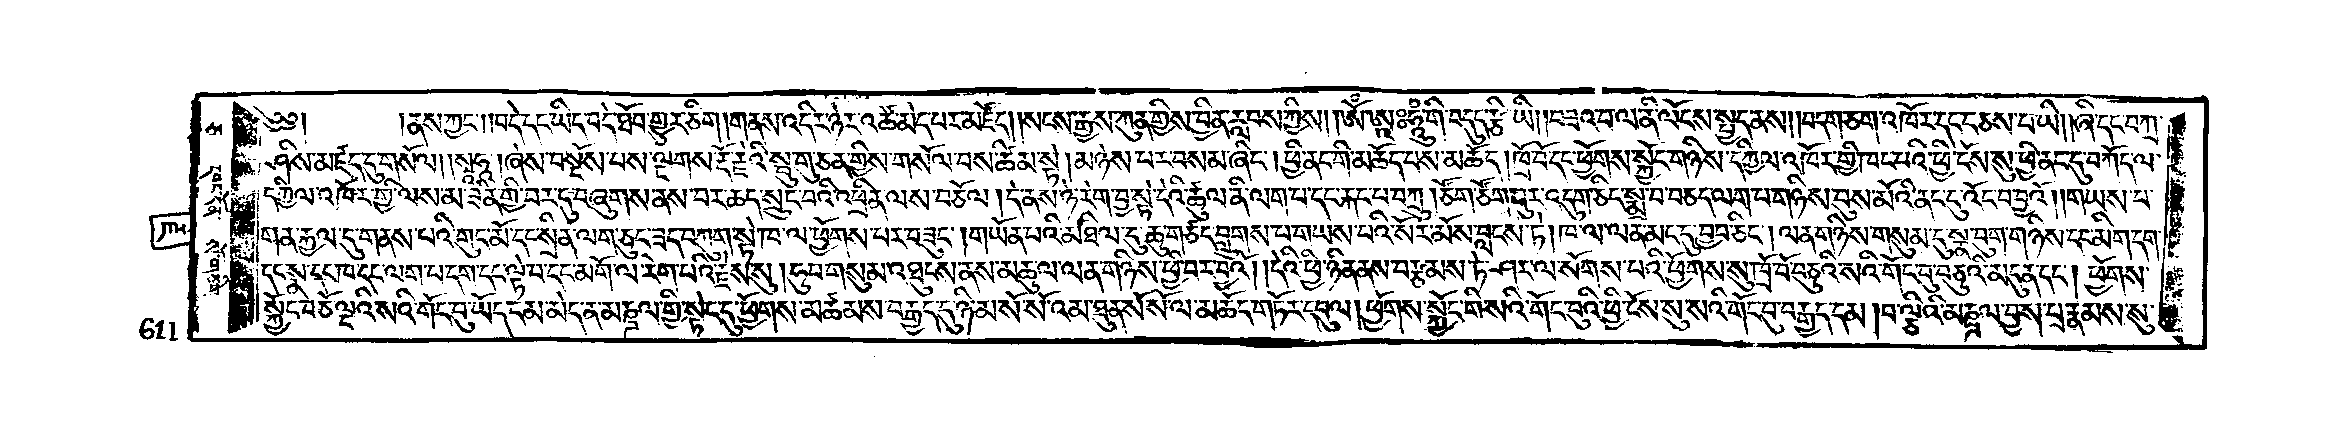༄༅། །ནས་ཀྱང་། །བདེ་དང་ཡིད་བདེ་ཐོབ་གྱུར་ཅིག །གནས་འདིར་ཉེར་འཚེ་མེད་པར་མཛོད། །སངས་རྒྱས་ཀུན་གྱིས་བྱིན་རླབས་ཀྱིས། །ཨོཾ་ཨཱཿ ཧཱུཾ་གི་བདུད་རྩི་ཡི། །བཟའ་བ་ལ་ནི་ལོངས་སྤྱད་ནས། །བདག་ཅག་འཁོར་དང་བཅས་པ་ཡི། །ཞི་དང་བཀྲ་
ཤིས་མཛད་དུ་གསོལ། །སྭཱ་ཧཱ། ཞེས་བསྔོས་པས་ལྗགས་རྡོ་རྗེའི་སྦུ་གུ་ཅན་གྱིས་གསེལ་བས་ཚིམ་སྟེ། མཉེས་པར་བསམ་ཞིང་། ཕྱི་ནང་གི་མཆོད་པས་མཆོད། ཁྲོ་བོ་དང་ཕྱོགས་སྐྱོང་གཉིས་དཀྱིལ་འཁོར་གྱི་ཁང་པའི་ཕྱི་ངོས་སུ་ཕྱི་ནང་དུ་བཀོད་ལ་
དཀྱིལ་འཁོར་གྱི་ལས་མ་ཟིན་གྱི་བར་དུ་བཞུགས་ནས་བར་ཆད་སྲུང་བའི་འཕྲིན་ལས་བཅོལ། དེ་ནས་ཉེ་རེག་བྱ་སྟེ་དེའི་ཚུལ་ནི་ལག་པ་དང་རྐང་པ་བཀྲུ། ཙོག་ཙོག་བུར་འདུག་ཅིང་སྨྲ་བ་བཅད་ལག་པ་གཉིས་བུས་མོའི་ནང་དུ་འོང་བ་བྱའོ། །གཡས་པ་
གན་རྒྱལ་དུ་གནས་པའི་གུང་མོ་དང་སྲིན་ལག་ཅུང་ཟད་བཀུག་སྟེ་ཁ་ལ་ཕྱོགས་པར་བཟུང་། གཡོན་པའི་མཐིལ་དུ་ཆུ་གཙང་བླུགས་པ་གཡས་པའི་སོར་མོས་བླངས་ཏེ། ཁ་ལ་ལན་མང་དུ་བྱབ་ཅིང་། ལན་གཉིས་གསུམ་དུ་སྣ་བུག་གཉིས་དང་མིག་དག་
དང་སྣ་དང་ཁ་དང་ལག་པ་དག་དང་ལྟེ་བ་དང་མགོ་ལ་རེག་པའི་རྗེས་སུ། ཧུབ་གསུམ་འཐུངས་ནས་མཆུ་ལ་ལན་གཉིས་ཕྱི་བར་བྱའོ། །དེའི་ཕྱི་ཉིན་ནས་བརྩམས་ཏེ་ཤར་ལ་སོགས་པའི་ཕྱོགས་སུ་ཁྲོ་བོ་བཅུའི་སའི་གོང་བུ་བཅུའི་མདུན་དང་། ཕྱོགས་
སྐྱོང་བཅོ་ལྔའི་སའི་གོང་བུ་ཡོད་དམ་མེད་ན་མཎྜལ་གྱི་སྟེང་དུ་ཕྱོགས་མཚམས་བརྒྱད་དུ་ཉི་མ་སོ་སོ་འམ་ཐུན་སོ་སོ་ལ་མཆོད་གཏོར་དབུལ། ཕྱོགས་སྐྱོང་གི་སའི་གོང་བུའི་ཕྱི་ངོས་སུ་སའི་གོང་བུ་བརྒྱད་དམ། བ་ལྕིའི་མཎྜལ་བྱས་པ་རྣམས་སུ་